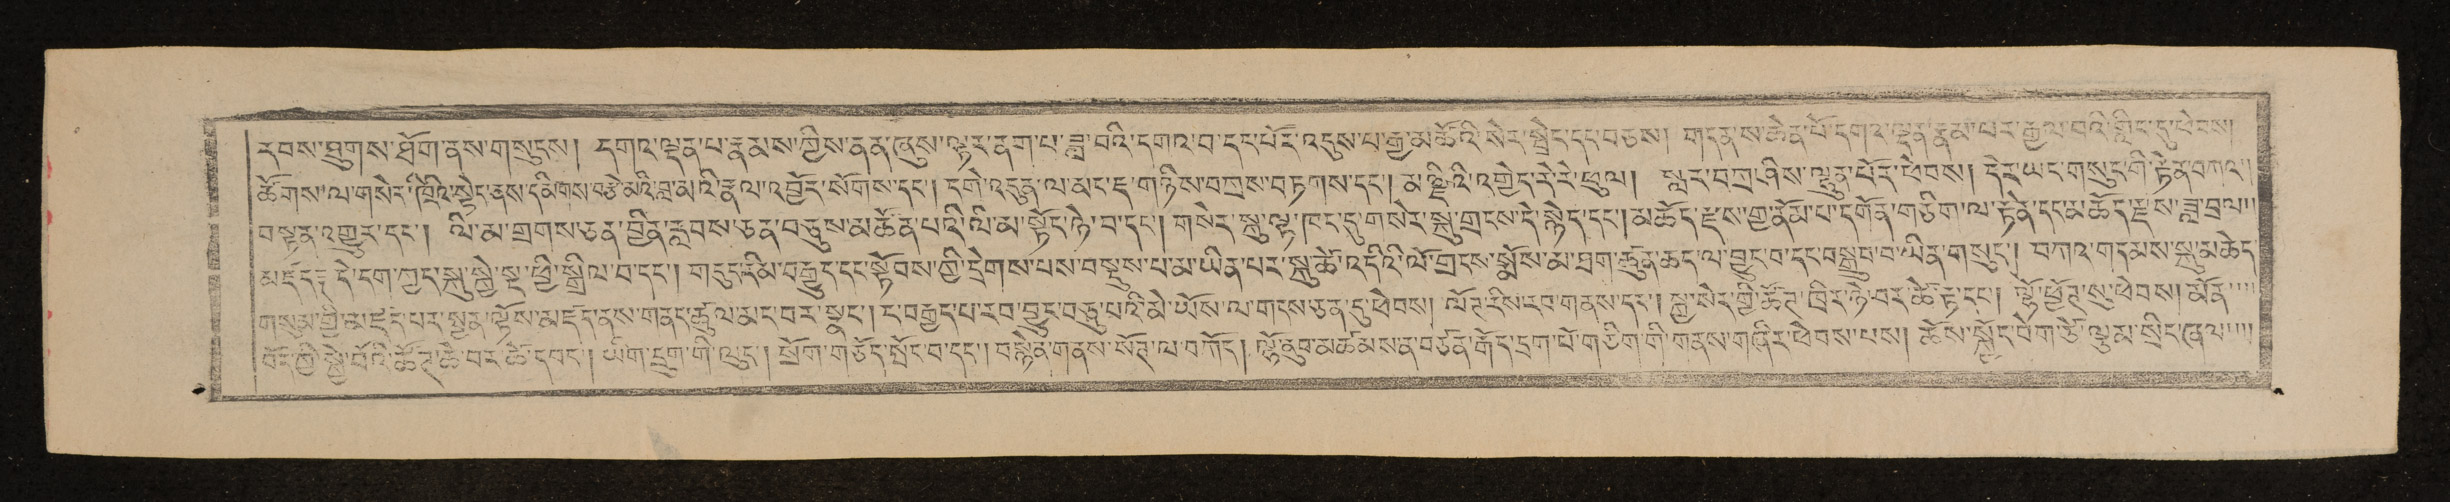ལ་འཁྲུངས་རབས་ཐུགས་ཐོག་ནས་གསུངས། དགའ་ལྡན་པ་རྣམས་ཀྱིས་ནན་ཞུས་ལྟར་ནག་པ་ཟླ་བའི་དགའ་བ་དང་པོར་འདུས་པ་རྒྱ་མཚོའི་སེར་སྦྲེང་དང་བཅས། གདན་ས་ཆེན་པོ་དགའ་ལྡན་རྣམ་པར་རྒྱལ་བའི་གླིང་དུ་ཕེབས།
ཚོགས་ལ་གསེར་ཁྲིའི་སྟེང་ནས་དམིགས་བརྩེ་མའི་བླ་མའི་རྣལ་འབྱོར་སོགས་དང་། དགེ་འདུན་ལ་མང་ཇ་གཉིས་བཀྲས་བཏགས་དང་། མཉྫིའི་འགྱེད་རེ་རེ་ཕུལ། སླར་བཀྲ་ཤིས་ལྷུན་པོར་ཕེབས། དེར་ཡང་གསུང་གི་རྟེན་བཀའ་
བསྟན་འགྱུར་དང་། ལི་མ་གྲགས་ཅན་བྱིན་རླབས་ཅན་བཅུས་མཚོན་པའི་ལི་མ་སྟོང་ཉེ་བ་དང་། གསེར་སྐུ་ལྷ་ཁང་དུ་གསེར་སྐུ་གྲངས་དེ་སྙེད་དང་། མཆོད་རྫས་གྱ་ནོམ་པ་དགོན་གཅིག་ལ་རྟེན་དང་མཆོད་རྫས་ཟླ་བྲལ་མཛད། དེ་
དག་ཀྱང་སྐུ་སྐྱེ་སྔ་ཕྱི་སྒྲིལ་བ་དང་། གདུང་རིམ་བརྒྱུད་དང་སྟོབས་ཀྱི་དྲེགས་པས་བསྡུས་པ་མ་ཡིན་པར་སྐུ་ཚེ་འདིའི་ལོ་གྲངས་སྨོས་མ་ཐག་ཚུན་ཆད་ལ་བྱུང་བ་དང་བསྒྲུབ་པ་ཡིན་གསུང་། བཀའ་གདམས་སྐུ་མཆེད་གསུམ་གྱི་མཛད་པར་
སྤྱན་ལྟོས་མཛད་ནས་གནང་ཚུལ་མང་བར་སྣང་། ང་བརྒྱད་པ་རབ་བྱུང་བཅུ་པའི་མེ་ཡོས་ལ་གངས་ཅན་དུ་ཕེབས། ལོགས་རིས་རབ་གནས་དང་། སྐྱ་སེར་གྱི་ཚོགས་ཁྲིར་ཉེ་བར་ཚེ་རྟ་དང་། ལྷོ་ཕྱོགས་སུ་ཕེབས། མོན་བོད་ཀྱི་སྐྱེ་
བོའི་ཚིགས་ཆེ་བར་ཚེ་དབང་། ཡིག་དྲུག་གི་ལུང་། སྲོག་གཅོད་སྤོང་བ་དང་། བསྙེན་གནས་སོགས་ལ་བཀོད། ལྷོ་ནུབ་མཚམས་ན་བཙན་རྒོད་དྲག་པོ་གཅིག་གི་གནས་གཞིར་ཕེབས་པས། ཆོས་སྐྱོང་བེག་ཙེ་ལྕམ་སྲིང་ཞལ་